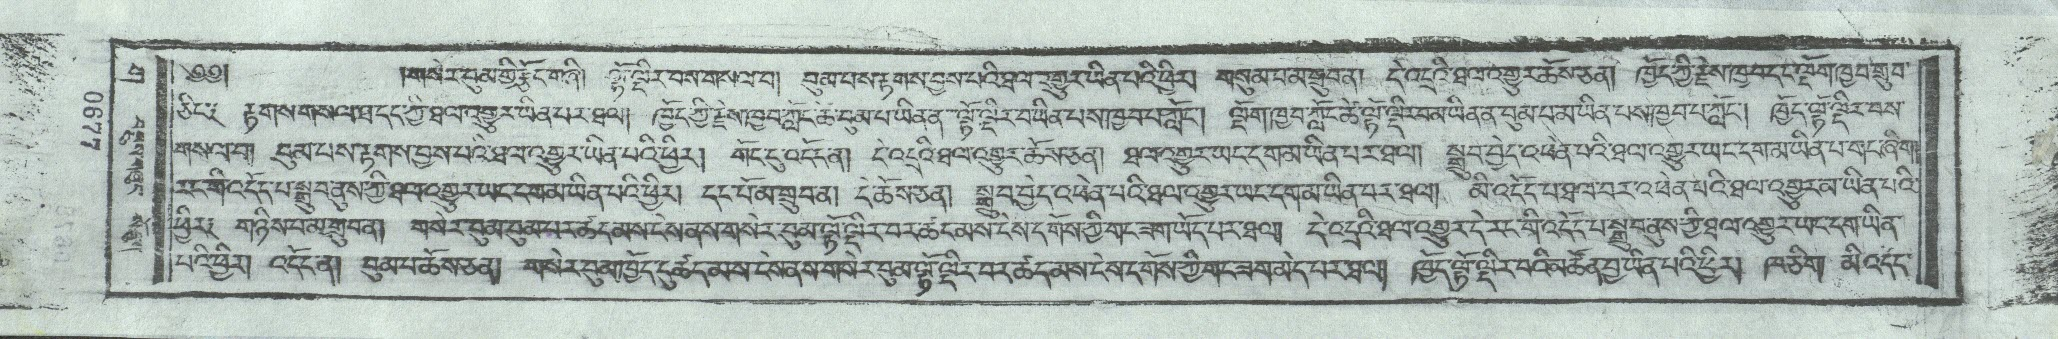༄༅། །གསེར་བུམ་གྱི་རྩོད་གཞི། ལྟོ་ལྡིར་བས་གསལ་བ། བུམ་པས་རྟགས་བྱས་པའི་ཐལ་འགྱུར་ཡིན་པའི་ཕྱིར། གསུམ་པ་མ་གྲུབ་ན། དེ་འདྲའི་ཐལ་འགྱུར་ཆོས་ཅན། ཁྱོད་ཀྱི་རྗེས་ཁྱབ་དང་ལྡོག་ཁྱབ་གྲུབ་
ཅིང༑ རྟགས་གསལ་ཐ་དད་ཀྱི་ཐལ་འགྱུར་ཡིན་པར་ཐལ། ཁྱོད་ཀྱི་རྗེས་ཁྱབ་ཀློང་ཚོ་བུམ་པ་ཡིན་ན་ལྟོ་ལྡིར་བ་ཡིན་པས་ཁྱབ་པ་ཀློང་། ལྡོག་ཁྱབ་ཀློང་ཚེ་ལྟོ་ལྡིར་བ་མ་ཡིན་ན་བུམ་པ་མ་ཡིན་པས་ཁྱབ་པ་ཀློང་། ཁྱོད་ལྟོ་ལྡིར་བས་
གསལ་བ། བུམ་པས་རྟགས་བྱས་པའི་ཐལ་འགྱུར་ཡིན་པའི་ཕྱིར། གོང་དུ་འདོད་ན། དེ་འདྲའི་ཐལ་འགྱུར་ཆོས་ཅན། ཐལ་འགྱུར་ཡང་དག་མ་ཡིན་པར་ཐལ། སྒྲུབ་བྱེད་འཕེན་པའི་ཐལ་འགྱུར་ཡང་དག་མ་ཡིན་པ་གང་ཞིག་
རང་གི་འདོད་པ་སྒྲུབ་ནུས་ཀྱི་ཐལ་འགྱུར་ཡང་དག་མ་ཡིན་པའི་ཕྱིར། དང་པོ་མ་གྲུབ་ན། དེ་ཆོས་ཅན། སྒྲུབ་བྱེད་འཕེན་པའི་ཐལ་འགྱུར་ཡང་དག་མ་ཡིན་པར་ཐལ། མི་འདོད་པ་ཐལ་བར་འཕེན་པའི་ཐལ་འགྱུར་མ་ཡིན་པའི་
ཕྱིར༑ གཉིས་པ་མ་གྲུབ་ན། གསེར་བུམ་བུམ་པར་ཚད་མས་ངེས་ནས་གསེར་བུམ་ལྟོ་ལྡིར་བར་ཚང་མས་ངེས་དགོས་ཀྱི་གང་ཟག་ཡོད་པར་ཐལ། དེ་འདྲའི་ཐལ་འགྱུར་དེ་རང་གི་འདོད་པ་སྒྲུབ་ནུས་ཀྱི་ཐལ་འགྱུར་ཡང་དག་ཡིན་
པའི་ཕྱིར། འདོད་ན། བུམ་པ་ཆོས་ཅན། གསེར་བུམ་ཁྱོད་དུ་ཚད་ནས་ངེས་ནས་གསེར་བུམ་ལྟོ་ལྡིར་བར་ཚད་མས་ངེས་དགོས་ཀྱི་གང་ཟག་མེད་པར་ཐལ། ཁྱོད་ལྟོ་ལྡིར་བའི་མཚོན་བྱ་ཡིན་པའི་ཕྱིར། ཁ་ཅིག། མི་འདོད་